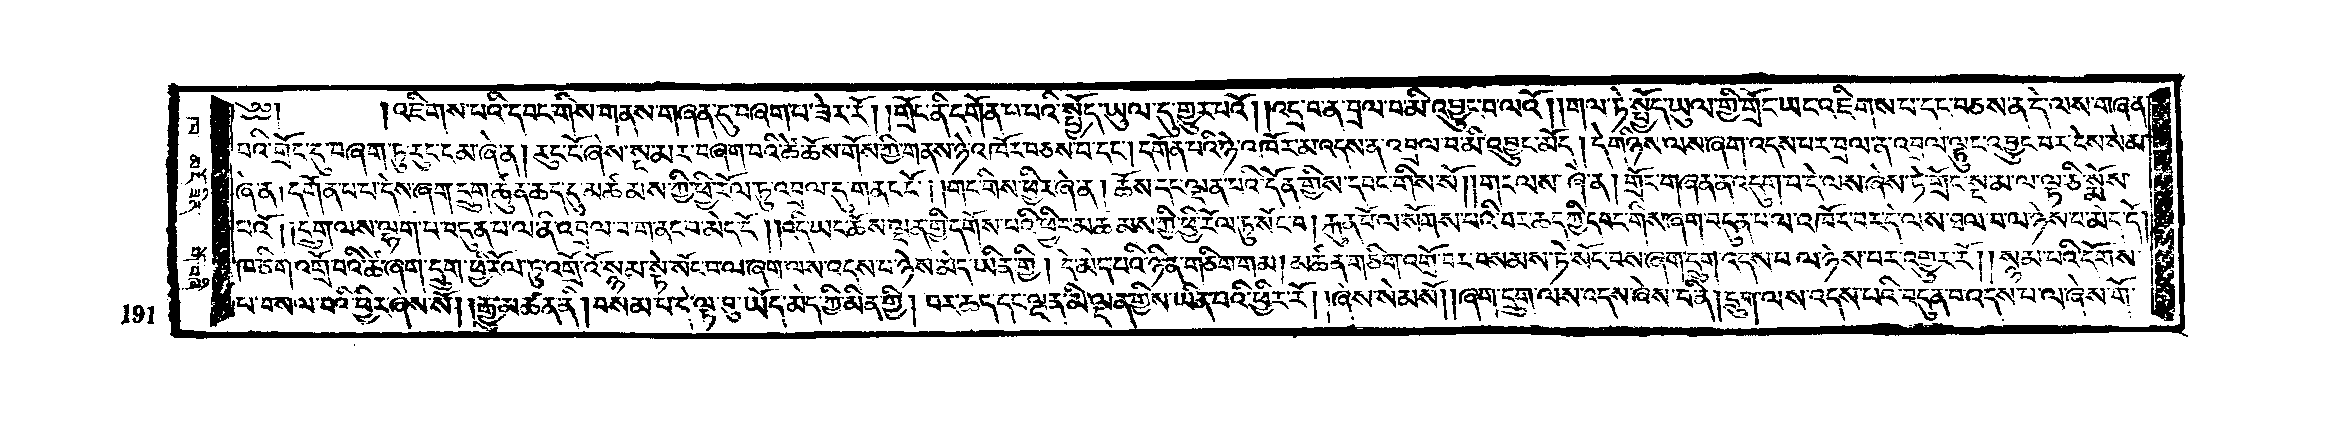༄༅། །འཇིགས་པའི་དབང་གིས་གནས་གཞན་དུ་བཞག་པ་ཟེར་རོ། །གྲོང་ནི་དགོན་པ་པའི་སྤྱོད་ཡུལ་དུ་གྱུར་པའོ། །འདྲ་བ་ན་བྲལ་བ་མི་འབྱུང་བ་ལའོ། །གལ་ཏེ་སྤྱོད་ཡུལ་གྱི་གྲོང་ཡང་འཇིགས་པ་དང་བཅས་ན་དེ་ལས་གཞན་
པའི་གྲོང་དུ་བཞག་ཏུ་རུང་ངམ་ཞེ་ན། རུང་ངོ་ཞེས་སྔ་མར་བཞག་པའི་ཚེ་ཆོས་གོས་ཀྱི་གནས་ཉེ་འཁོར་བཅས་པ་དང་། དགོན་པའི་ཉེ་འཁོར་མ་འདས་ན་འབྲལ་བ་མི་འབྱུང་མོད། དེ་གཉིས་ལས་ཞག་འདས་པར་བྲལ་ན་འབྲལ་ལྟུང་འབྱུང་བར་ངེས་སེམ་
ཞེ་ན། དགོན་པ་བ་དེས་ཞག་དྲུག་ཚུན་ཆད་དུ་མཚམས་ཀྱི་ཕྱི་རོལ་ཏུ་འབྲལ་དུ་གནང་ངོ། །གང་གིས་ཕྱིར་ཞེ་ན། ཆོས་དང་ལྡན་པའི་དོན་གྱིས་དབང་གིས་སོ། །གང་ལས་ཞེ་ན། གྲོང་གཞན་ན་འདུག་པ་དེ་ལས་ཞེས་ཏེ་གྲོང་སྔ་མ་ལ་ལྟ་ཅི་སྨོས་
པའོ། །དྲུག་ལས་ལྷག་པ་བདུན་པ་ལ་ནི་འབྲལ་བ་གནང་བ་མེད་དོ། །འདི་ཡང་ཆོས་ལྡན་གྱི་དགོས་པའི་ཕྱིར་མཚམས་ཀྱི་ཕྱི་རོལ་ཏུ་སོང་བ། རྐུན་པོ་ལ་སོགས་པའི་བར་ཆད་ཀྱི་དབང་གིས་ཞག་བདུན་པ་ལ་འཁོར་བར་དེ་ལས་ཐལ་བ་ལ་ཉེས་པ་མེད་དོ།
ཁ་ཅིག་འགྲོ་བའི་ཚེ་ཞག་དྲུག་ཕྱི་རོལ་ཏུ་འགྲོ་འོ་སྙམ་སྟེ་སོང་བ་ལ་ཞག་ལས་འདས་པ་ཉེས་མེད་ཡིན་གྱི། དེ་མེད་པའི་ཉིན་གཅིག་གམ། མཚན་གཅིག་འགྲོ་བར་བསམས་ཏེ་སོང་བས་ཞག་དྲུག་འདས་པ་ལ་ཉེས་པར་འགྱུར་རོ། །སྙམ་པའི་དོགས་
པ་བསལ་བའི་ཕྱིར་ཞེས་སོ། །རྒྱུ་མཚན་ནི། བསམ་པ་དེ་ལྟ་བུ་ཡོད་མེད་ཀྱི་མིན་གྱི། བར་ཆད་དང་ལྡན་མི་ལྡན་གྱིས་ཡིན་པའི་ཕྱིར་རོ། །ཞེས་སེམས་སོ། །ཞག་དྲུག་ལས་འདས་ཞེས་པ་ནི། དྲུག་ལས་འདས་པའི་བདུན་པ་འདས་པ་ལ་ཞེས་གོ་